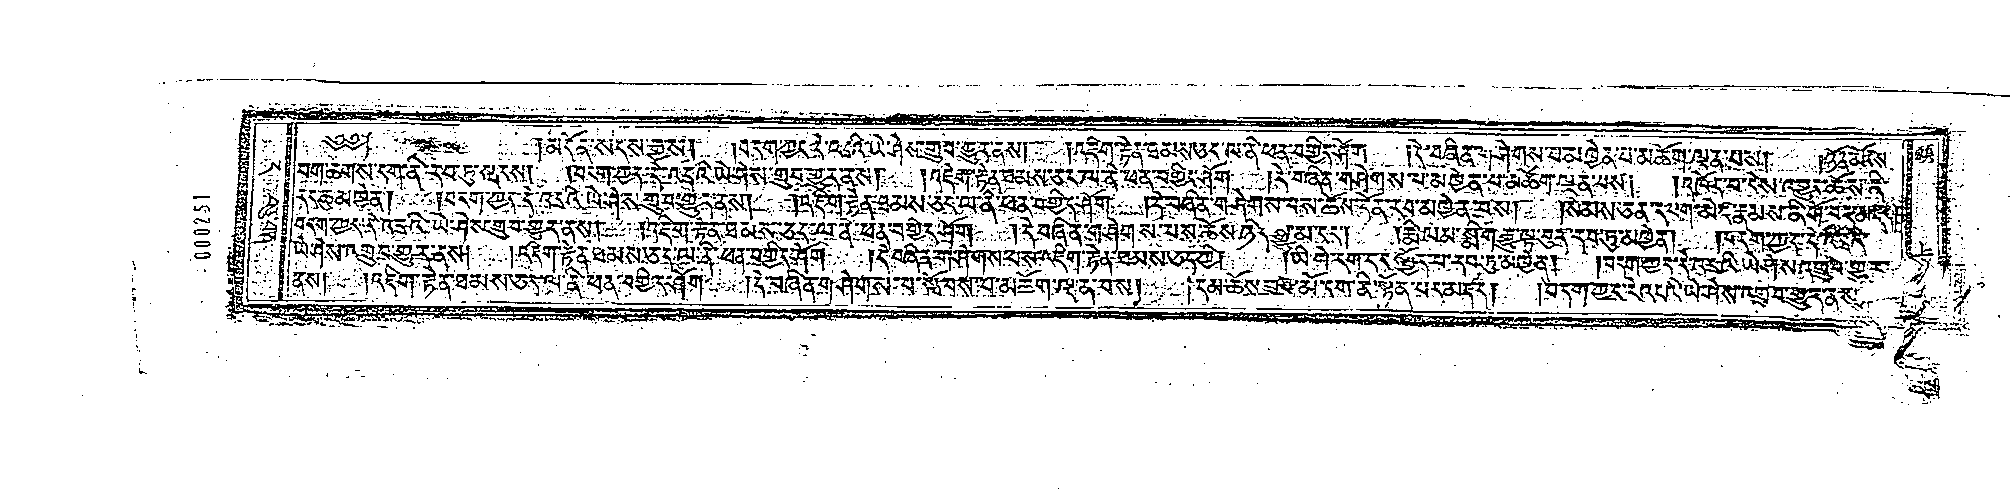༄༅། །མདོན་སངས་རྒྱས། །བདག་ཀྱང་དེ་འདྲའི་ཡེ་ཤེས་གྲུབ་གྱུར་ནས། །འཇིག་རྟེན་ཐམས་ཅད་ལ་ནི་ཕན་བགྱིད་ཤོག །དེ་བཞིན་གཤེགས་པ་མཁྱེན་པ་མཆོག་ལྡན་པས། །ཉོན་མོངས་
བག་ཆགས་དག་ནི་རབ་ཏུ་སྤངས། །བདག་ཀྱང་དེ་འདྲའི་ཡེ་ཤེས་གྲུབ་གྱུར་ནས། །འཇིག་རྟེན་ཐམས་ཅད་ལ་ནི་ཕན་བགྱིད་ཤོག །དེ་བཞིན་གཤེགས་པ་མཁྱེན་པ་མཆོག་ལྡན་པས། །འཁོར་བ་ངེས་འབྱུང་ཆོས་ནི་
རང་ཆུ་མཁྱེན། །བདག་ཀྱང་དེ་འདྲའི་ཡེ་ཤེས་གྲུབ་གྱུར་ནས། །འཇིག་རྟེན་ཐམས་ཅད་ལ་ནི་ཕན་བགྱིད་ཤོག །དེ་བཞིན་གཤེགས་པས་ཆོས་དོན་རབ་མཁྱེན་བས། །སེམས་ཅན་དཔག་མེད་རྣམས་ནི་གོ་བར་མཛད།
བདག་ཀྱང་དེ་འདྲའི་ཡེ་ཤེས་གྲུབ་གྱུར་ནས། །འཇིག་རྟེན་ཐམས་ཅད་ལ་ནི་ཕན་བགྱིད་ཤོག །དེ་བཞིན་གཤེགས་པས་ཆོས་ཉིད་སྒྱུ་མ་དང་། །རྨི་ལམ་སྨིག་རྒྱུ་ལྟ་བུར་རབ་ཏུ་མཁྱེན། །བདག་ཀྱང་དེ་འདྲའི་
ཡེ་ཤེས་འགྲུབ་གྱུར་ནས། །འཇིག་རྟེན་ཐམས་ཅད་ལ་ནི་ཕན་བགྱིད་ཤོག །དེ་བཞིན་གཤེགས་པས་འཇིག་རྟེན་ཐམས་ཅད་ཀྱི། །ཡི་གེ་དག་དང་སྤྱོད་པ་རབ་ཏུ་མཁྱེན། །བདག་ཀྱང་དེ་འདྲའི་ཡེ་ཤེས་འགྲུབ་གྱུར་
ནས། །འཇིག་རྟེན་ཐམས་ཅད་ལ་ནི་ཕན་བགྱིད་ཤོག །དེ་བཞིན་གཤེགས་པ་སློབས་པ་མཆོག་ལྡན་བས། །དམ་ཆོས་ཟབ་མོ་དག་ནི་སྟོན་པར་མཛད། །བདག་ཀྱང་དེ་འདྲའི་ཡེ་ཤེས་འགྲུབ་གྱུར་ནས། །